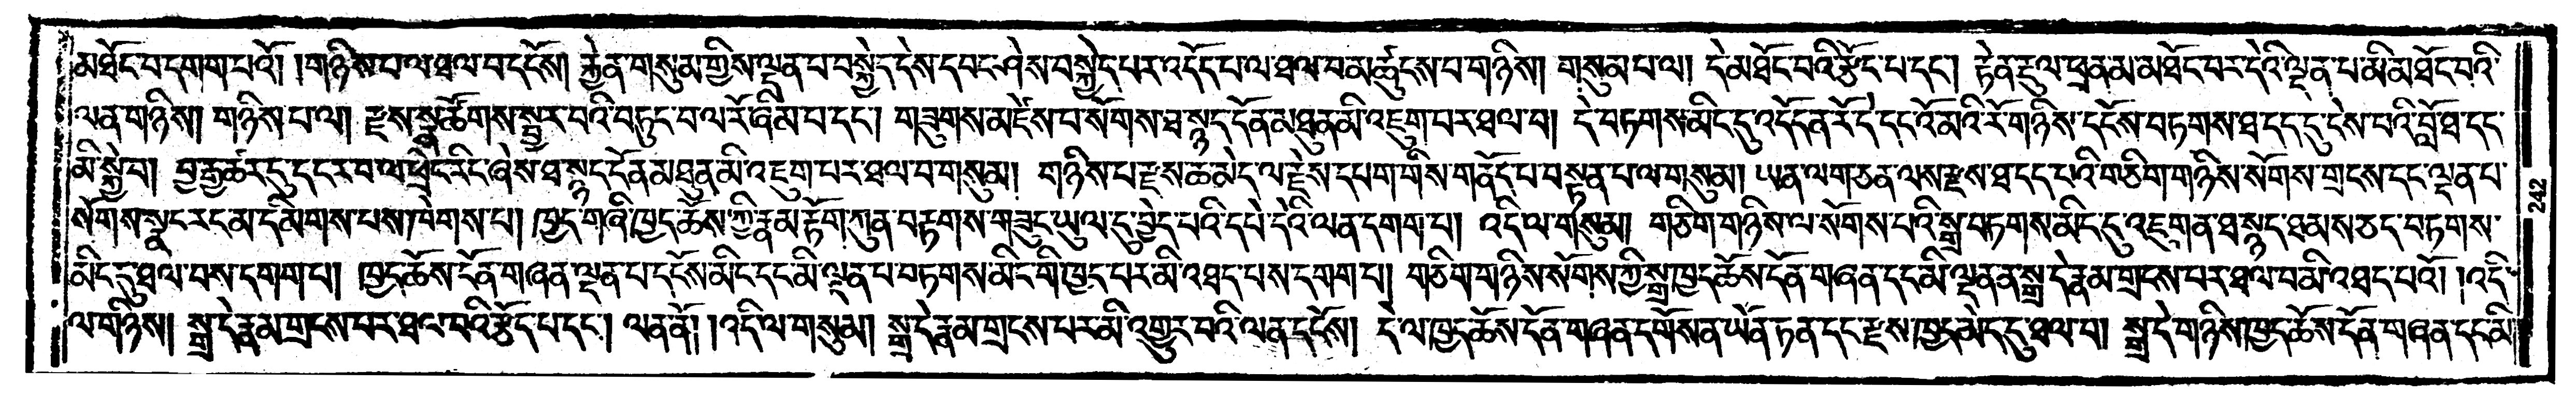མཐོང་བ་དགག་པའོ། །གཉིས་པ་ལ་ཐལ་བ་དངོས། རྐྱེན་གསུམ་གྱིས་ལྡན་པ་བསྐྱེད་དེས་དབང་ཤེས་བསྐྱེད་པར་འདོད་པ་ལ་ཐལ་བ་མཚུངས་པ་གཉིས། གསུམ་པ་ལ། དེ་མཐོང་བའི་རྩོད་པ་དང་། རྟེན་རྡུལ་ཕྲན་མ་མཐོང་བར་དེའི་ལྡན་པ་མི་མཐོང་བའི་
ལན་གཉིས། གཉིས་པ་ལ། རྫས་སྣ་ཚོགས་སྦྱར་བའི་བཏུང་བ་ལ་རོ་ཞིམ་པ་དང་། གཟུགས་མཛེས་པ་སོགས་ཐ་སྙད་དོན་མཐུན་མི་འཇུག་པར་ཐལ་བ། དེ་བཏགས་མིང་དུ་འདོད་ན་རོ་དེ་དང་འོ་མའི་རོ་གཉིས་དངོས་བཏགས་ཐ་དད་དུ་ངེས་པའི་བློ་ཐ་དད་
མི་སྐྱེ་བ། བྱ་རྒྱ་ཚར་དུ་དངར་བ་ལ་ཕྲེང་རིང་ཞེས་ཐ་སྙད་དོན་མཐུན་མི་འཇུག་པར་ཐལ་བ་གསུམ། གཉིས་པ་རྫས་ཆ་མེད་ལ་རྗེས་དཔག་གིས་གནོད་པ་བསྟན་པ་ལ་གསུམ། ཡན་ལག་ཅན་ལས་རྫས་ཐ་དད་པའི་གཅིག་གཉིས་སོགས་གྲངས་དང་ལྡན་པ་
སོགས་སྣང་རང་མ་དམིགས་པས་ཁེགས་པ། ཁྱད་གཞི་ཁྱད་ཆོས་ཀྱི་རྣམ་རྟོག་ཀུན་བརྟགས་གཟུང་ཡུལ་དུ་བྱེད་པའི་དཔེ་དེའི་ལན་དགག་པ། འདི་ལ་གསུམ། གཅིག་གཉིས་ལ་སོགས་པའི་སྒྲ་བཏགས་མིང་དུ་འཇུག་ན་ཐ་སྙད་ཐམས་ཅད་བཏགས་
མིང་དུ་ཐལ་བས་དགག་པ། ཁྱད་ཆོས་དོན་གཞན་ལྡན་པ་དངོས་མིང་དང་མི་ལྡན་པ་བཏགས་མིང་གི་ཁྱད་པར་མི་འཐད་པས་དགག་པ། གཅིག་གཉིས་སོགས་ཀྱི་སྒྲ་ཁྱད་ཆོས་དོན་གཞན་དང་མི་ལྡན་ན་སྒྲ་དེ་རྣམ་གྲངས་པར་ཐལ་བ་མི་འཐད་པའོ། །འདི་
ལ་གཉིས། སྒྲ་དེ་རྣམ་གྲངས་པར་ཐལ་བའི་རྩོད་པ་དང་། ལན་ནོ། །འདི་ལ་གསུམ། སྒྲ་དེ་རྣམ་གྲངས་པར་མི་འགྱུར་བའི་ལན་དངོས། དེ་ལ་ཁྱད་ཆོས་དོན་གཞན་དགོས་ན་ཡོན་ཏན་དང་རྫས་ཁྱད་མེད་དུ་ཐལ་བ། སྒྲ་དེ་གཉིས་ཁྱད་ཆོས་དོན་གཞན་དང་མི་